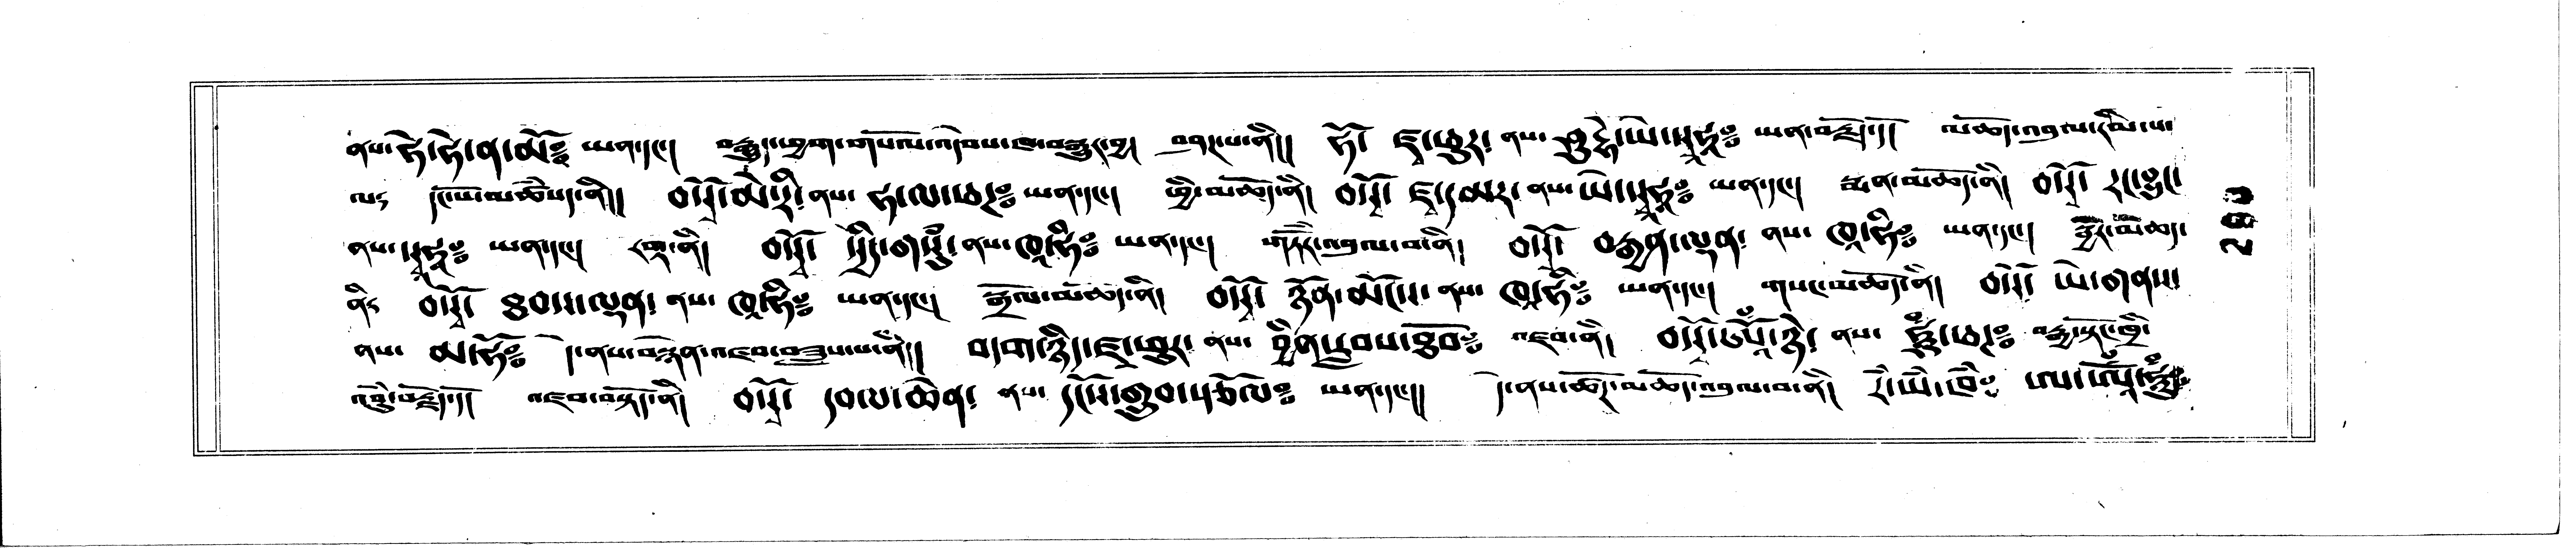ནས་ཧེ་ཧེ་ན་མོཿ ཡན་དང་། བརྒྱུད་ཕྱག་གསོལ་འདེབས་ཁ་སྒྱུར་བྱཿ བཤགས་པ་ནི། ཧོ་ཛོ་ཕུར་ནས་ཤུདྷེ་ཡེ་སྭཱ་ཧཱཿ ཡན་བརྗོད་དོ། མཆོད་འབུལ་རིམ་པ་
ལ། དང་པོ་མཚམས་བཅད་པ་ནི། བསྭོ་མེ་རི་ནས་ཧ་ལ་ཕཊཿ ཡན་དང་། ཕྱི་མཆོད་ནི། བསྭོ་ཛོ་དམར་ནས་ཡེ་སྭཱ་ཧཱཿ ཡན་དང་། སྨན་མཆོད་ནི། བསྭོ་རང་འབྱུང་
ནས། སྭཱཧཱཿ ཡན་དང་། རཀྟ་ནི། བསྭོ། སྲིད་གསུམ་ནས་ཁ་ཧིཿ ཡན་དང་། གཏོར་མ་འབུལ་བ་ནི། བསྭོ་བརྒྱན་ལྡན་ནས་ཁ་ཧི། ཡན་དང་། སྦྱོར་མཆོད་
ནི། བསྭོ་ཐབས་ལྡན་ནས་ཁ་ཧིཿ ཡན་དང་། སྒྲོལ་མཆོད་ནི། བསྭོ་ཉོན་མོངས་ནས་ཁ་ཧིཿ ཡན་དང་། གསང་མཆོད་ནི། བསྭོ་ཡེ་གནས་
ནས་མ་ཧོཿ དེ་ནས་བསྙེན་འཛབ་བཟླས་པ་ནི། བདག་ཉིད་ཛྭ་ཕུར་ནས་བྱིན་རླབས་ཐོབཿ འཛབ་ནི། བསྭོ་ཨཱོྃ་ཉེ་ནས་ཧཱུྃ་ཕཊཿ བརྒྱ་སྟོང་ཁྲི་
འབུམ་བརྗོད་དོ། འཛབ་བསྟོད་ནི། བསྭོ་དབལ་ཆེན་ནས་དངོས་གྲུབ་སྩོལཿ ཡན་དང་། དེ་ནས་ཚོགས་མཆོད་འབུལ་བ་ནི། རཾ་ཡཾ་ཁཾ་ཨ་ཨཱོྃཿཧཱུྃཿ